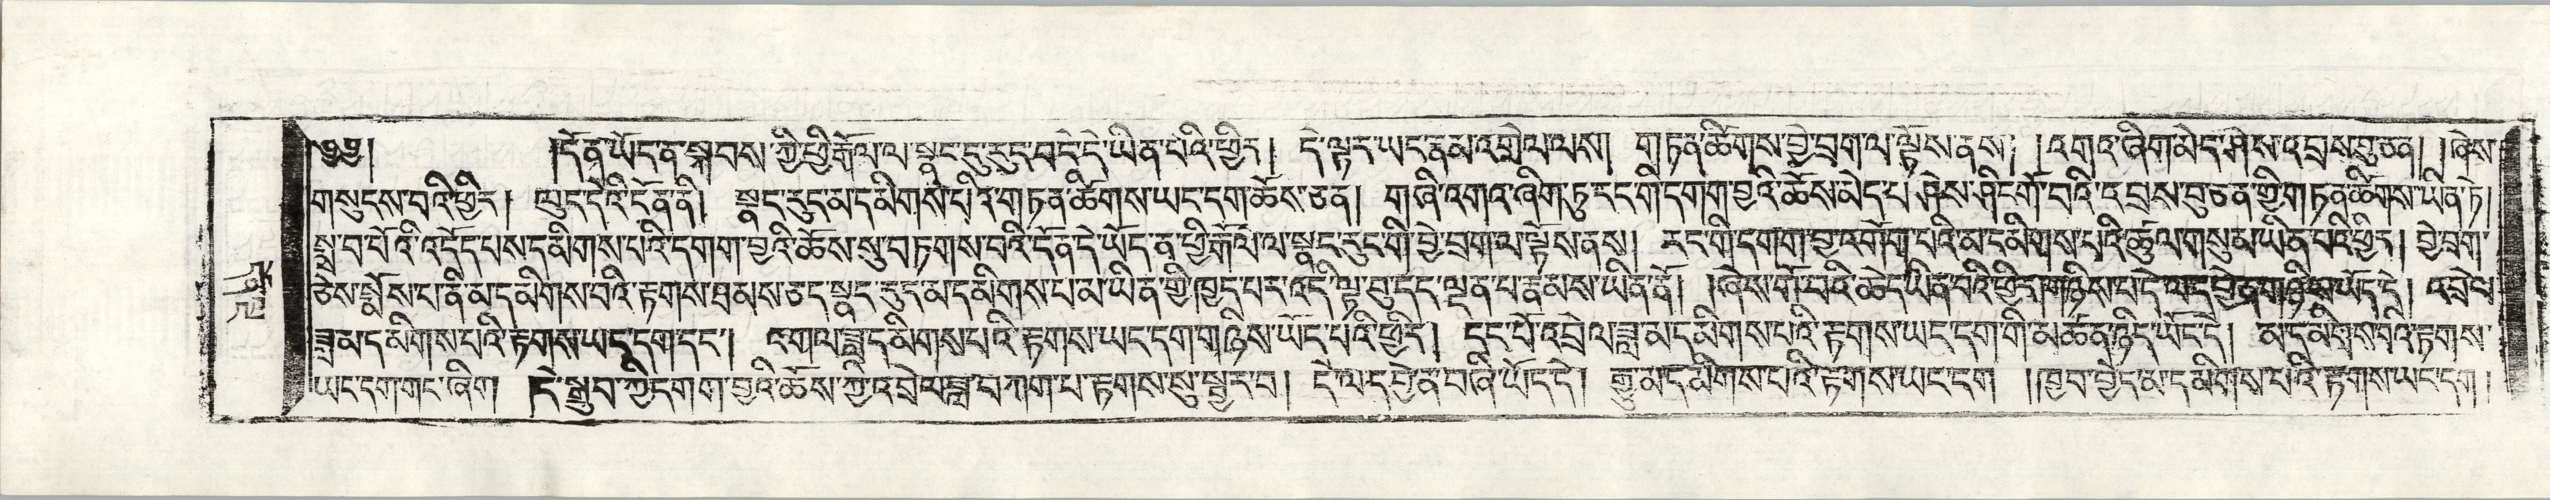༄༅། །དོན་ཡོད་ན་སྐབས་ཀྱི་ཕྱི་རྒོལ་ལ་སྣང་དུ་རུང་བ་དེ་དེ་ཡིན་པའི་ཕྱིར། དེ་ལྟར་ཡང་རྣམ་འགྲེལ་ལས། གཏན་ཚིགས་བྱེ་བྲག་ལ་ལྟོས་ནས། །འགའ་ཞིག་མེད་ཤེས་འབྲས་བུ་ཅན། །ཞེས་
གསུངས་པའི་ཕྱིར། ལུང་དེའི་དོན་ནི། སྣང་རུང་མ་དམིགས་པའི་གཏན་ཚིགས་ཡང་དག་ཆོས་ཅན། གཞི་འགའ་ཞིག་ཏུ་རང་གི་དགག་བྱའི་ཆོས་མེད་པ་ཤེས་ཤིང་གོ་བའི་འབྲས་བུ་ཅན་གྱི་གཏན་ཚིགས་ཡིན་ཏེ་
སྨྲ་བ་བོའི་འདོད་པས་དམིགས་པའི་དགག་བྱའི་ཆོས་སུ་བཏགས་པའི་དོན་དེ་ཡོད་ན་ཕྱི་རྒོལ་ལ་སྣང་རུང་གི་བྱེ་བྲག་ལ་ལྟོས་ནས། རང་གི་དགག་བྱ་འགོག་པའི་མ་དམིགས་པའི་ཚུལ་གསུམ་ཡིན་པའི་ཕྱིར། བྱེ་བྲག་
ཅེས་སྨོས་པ་ནི་མ་དམིགས་པའི་རྟགས་ཐམས་ཅད་སྣང་རུང་མ་དམིགས་པ་མ་ཡིན་གྱི་ཁྱད་པར་འདི་ལྟ་བུ་དང་ལྡན་པ་རྣམས་ཡིན་ནོ། །ཞེས་གོ་བའི་ཆེད་ཡིན་པའི་ཕྱིར། གཉིས་པ་དེ་ལ་དབྱེ་ན་གཉིས་ཡོད་དེ། འབྲེལ་
ཟླ་མ་དམིགས་པའི་རྟགས་ཡང་དག་དང་། འགལ་ཟླ་དམིགས་པའི་རྟགས་ཡང་དག་གཉིས་ཡོད་པའི་ཕྱིར། དང་པོ་འབྲེལ་ཟླ་མ་དམིགས་པའི་རྟགས་ཡང་དག་གི་མཚན་ཉིད་ཡོད་དེ། མ་དམིགས་པའི་རྟགས་
ཡང་དག་གང་ཞིག། དེ་སྒྲུབ་ཀྱི་དགག་བྱའི་ཆོས་ཀྱི་འབྲེལ་ཟླ་བཀག་པ་རྟགས་སུ་སྦྱར་བ། དེ་ལ་དབྱེ་ན་བཞི་ཡོད་དེ། རྒྱུ་མ་དམིགས་པའི་རྟགས་ཡང་དག། ཁྱབ་བྱེད་མ་དམིགས་པའི་རྟགས་ཡང་དག།